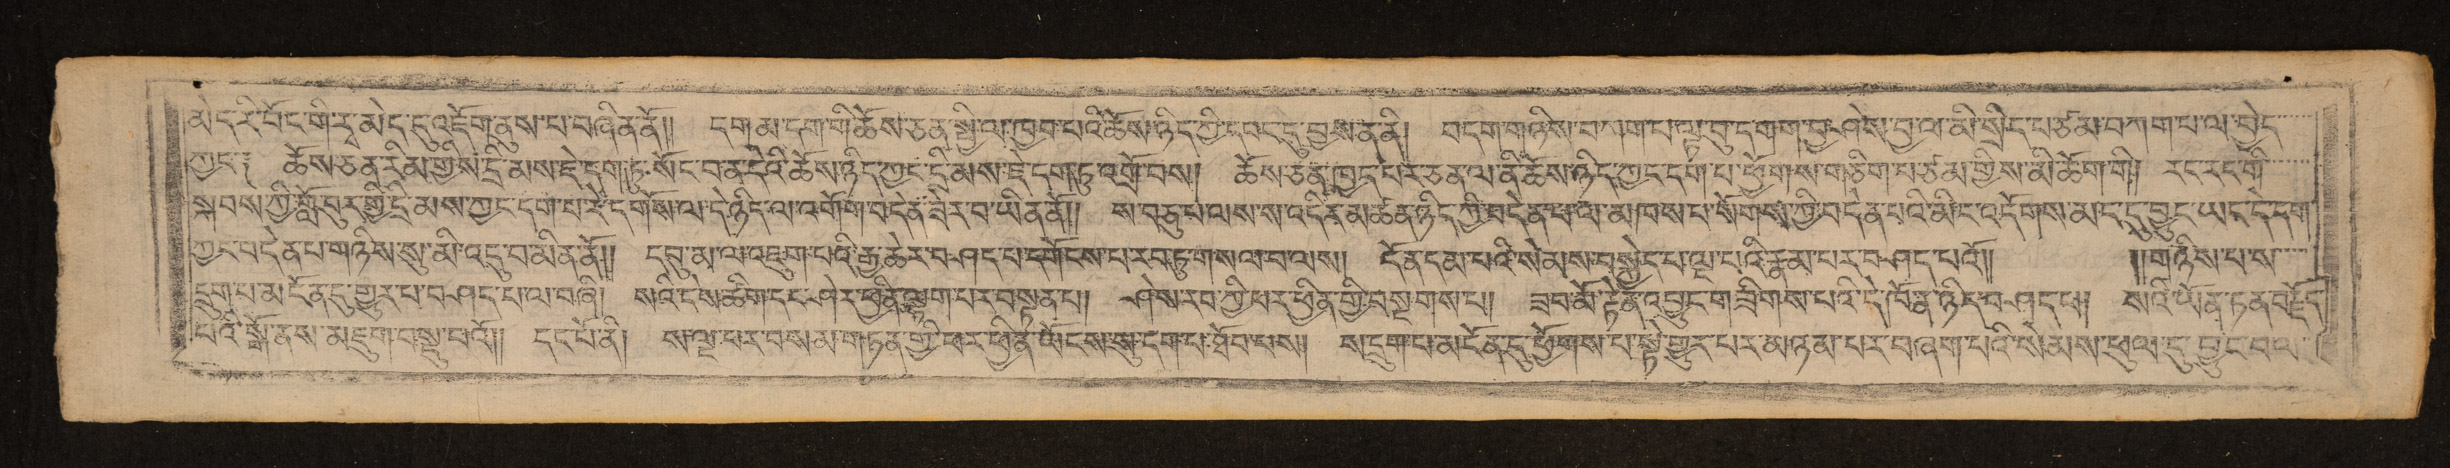མེད་རི་བོང་གི་རྭ་མེད་དུ་འཇོག་ནུས་པ་བཞིན་ནོ།། དག་མ་དག་གི་ཆོས་ཅན་སྤྱི་ལ་ཁྱབ་པའི་ཆོས་ཉིད་ཀྱི་དབང་དུ་བྱས་ན་ནི། བདག་གཉིས་བཀག་པ་ལྟ་བུ་དགག་བྱ་ཤེས་བྱ་ལ་མི་སྲིད་པ་ཙམ་བཀག་པ་ལ་བྱེད་
ཀྱང་། ཆོས་ཅན་རིམ་གྱིས་དྲི་མས་ཇེ་དག་ཏུ་སོང་བ་ན་དེའི་ཆོས་ཉིད་ཀྱང་དྲི་མས་ཇེ་དག་ཏུ་འགྲོ་བས། ཆོས་ཅན་ཁྱད་པར་ཅན་ལ་ནི་ཆོས་ཉིད་ཀྱང་དག་པ་ཕྱོགས་གཅིག་པ་ཙམ་གྱིས་མི་ཆོག་གི། རང་རང་གི་
སྐབས་ཀྱི་གློ་བུར་གྱི་དྲི་མས་ཀྱང་དག་པ་རེ་དགོས་ལ་དེ་ཉིད་ལ་འགོག་བདེན་ཟེར་བ་ཡིན་ནོ།། ས་བཅུ་པ་ལས་ས་འདིར་མཚན་ཉིད་ཀྱི་བདེན་པ་ལ་མཁས་པ་སོགས་ཀྱི་བདེན་པའི་མིང་འདོགས་མང་དུ་བྱུང་ཡང་དེ་དག་
ཀྱང་བདེན་པ་གཉིས་སུ་མི་འདུ་བ་མིན་ནོ།། དབུ་མ་ལ་འཇུག་པའི་རྒྱ་ཆེར་བཤད་པ་དགོངས་པ་རབ་ཏུ་གསལ་བ་ལས། དོན་དམ་པའི་སེམས་བསྐྱེད་པ་ལྔ་པའི་རྣམ་པར་བཤད་པའོ།། ༈ །།གཉིས་པ་ས་
དྲུག་པ་མངོན་དུ་གྱུར་པ་བཤད་པ་ལ་བཞི། སའི་ངེས་ཚིག་དང་ཤེར་ཕྱིན་ལྷག་པར་བསྟན་པ། ཤེས་རབ་ཀྱི་ཕར་ཕྱིན་གྱི་བསྔགས་པ། ཟབ་མོ་རྟེན་འབྱུང་གཟིགས་པའི་དེ་ཁོ་ན་ཉིད་བཤད་པ། སའི་ཡོན་ཏན་བརྗོད་
པའི་སྒོ་ནས་མཇུག་བསྡུ་བའོ།། དང་པོ་ནི། ས་ལྔ་པར་བསམ་གཏན་གྱི་ཕར་ཕྱིན་ཡོངས་སུ་དག་པ་ཐོབ་པས། ས་དྲུག་པ་མངོན་དུ་ཕྱོགས་པ་སྟེ་གྱུར་པར་མཉམ་པར་བཞག་པའི་སེམས་ཕུལ་དུ་བྱུང་བ་ལ་